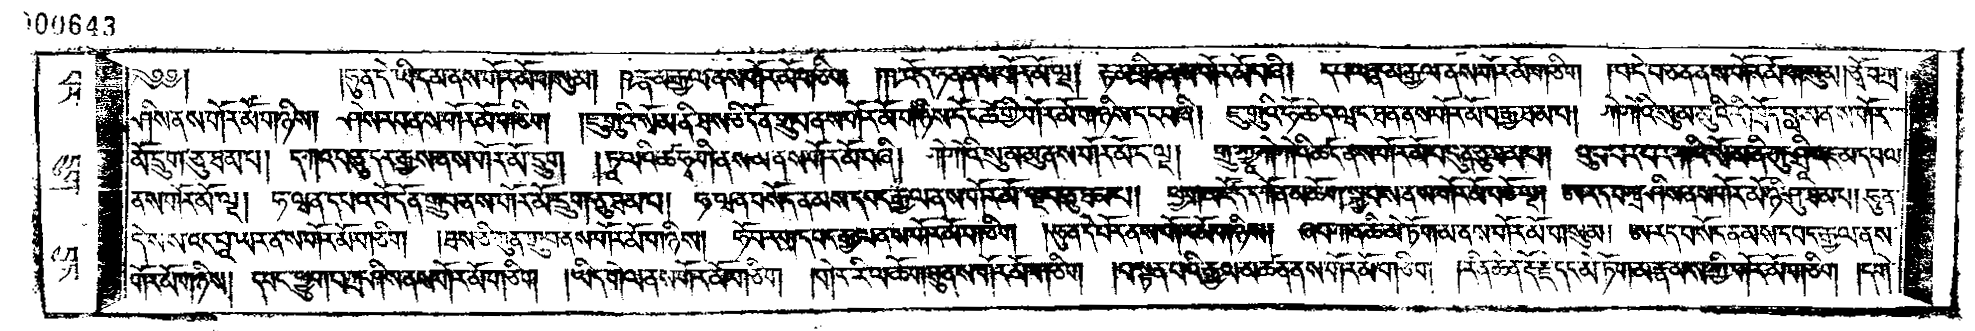༄༅། །ཧུན་དེ་ཡི་དམ་ནས་གོར་མོ་གསུམ། ཥ་རྣམ་རྒྱལ་ནས་གོར་མོ་གཅིག །ཥ་འོད་ཧན་ནས་གོར་མོ་ལྔ། རྟ་མགྲིན་ནས་གོར་མོ་བཞི། དཔལ་རྣམ་རྒྱལ་ནས་གོར་མོ་གཅིག །བདེ་བ་ཅན་ནས་གོར་མོ་གསུམ། ཅྭོ་བཀྲ་
ཤིས་ནས་གོར་མོ་གཉིས། ཤེས་རབ་ནས་གོར་མོ་གཅིག །ཇུ་གུའི་སྭོམ་ནི་ཐས་ཅི་དོན་གྲུབ་ནས་གོར་མོ་གཉིས་དོང་ཚེ་གྱི་གོར་མོ་གཉིས་དང་བཞི། ཇུ་གུའི་ཧོ་ཆེད་ཝང་ཐན་ནས་གོར་མོ་བརྒྱ་ཐམ་པ། ཀེ་ཀེའི་སུམ་མུའི་རི་ཁྲོད་བླ་མ་ནས་གོར་
མོ་དྲུག་ཅུ་ཐམ་པ། དཀའ་བཅུ་དར་རྒྱས་ནས་གོར་མོ་དྲུག །ཏཱ་ལའི་ཚ་ཧྭ་གི་ནས་མ་ནས་གོར་མོ་བཞི། ཀེ་ཀེའི་སུམ་མུ་ནས་གོར་མོ་ང་ལྔ། གྲུ་ཀྱཱ་ཀེ་ཀེའི་ཚང་ནས་གོར་མོ་བདུན་ཅུ་ཐམ་པ། འུབ་བར་བར་ཀའི་སྭོམ་ནི་ཀུ་ཤྲཱི་འཇམ་དཔལ་
ནས་གོར་མོ་ལྔ། ཧ་ཝན་དཔའ་བོ་དོན་གྲུབ་ནས་གོར་མོ་དྲུག་ཅུ་ཐམ་པ། ཧ་ཝན་བསོད་ནམས་དབང་རྒྱལ་ནས་གོར་མོ་ལྔ་བཅུ་ཐམ་པ། ཕྱག་མཛོད་དཀོན་མཆོག་སྐྱབས་ནས་གོར་མོ་བཅོ་ལྔ། ཨ་རད་བཀྲ་ཤིས་ནས་གོར་མོ་ཉི་ཤུ་ཐམ་པ། ཧུན་
དེ་སས་འང་པཱ་ཡར་ནས་གོར་མོ་གཅིག །ཐས་ཅི་ཀུན་གྲུབ་ནས་གོར་མོ་གཉིས། ཧོབ་རག་དབང་རྒྱལ་ནས་གོར་མོ་གཅིག །ཧུན་དེ་བོར་ནས་གོར་མོ་གཉིས། ཞབ་ཀན་ཆི་མེ་ཏོག་མ་ནས་གོར་མོ་གསུམ། ཨ་རད་བསོད་ནམས་དབང་རྒྱལ་ནས་
གོར་མོ་གཉིས། དབང་ཕྱུག་བཀྲ་ཤིས་ནས་གོར་མོ་གཅིག །ཡིད་གེལ་ནས་གོར་མོ་གཅིག །གེར་རིལ་ཆོག་ཐུ་ནས་གོར་མོ་གཅིག །བསྟན་པའི་རྒྱལ་མཚན་ནས་གོར་མོ་གཅིག །རིན་ཆེན་རྡོ་རྗེ་དང་མེ་ཏོག་མ་རྣམས་ཀྱི་གོར་མོ་གཅིག །དགེ་